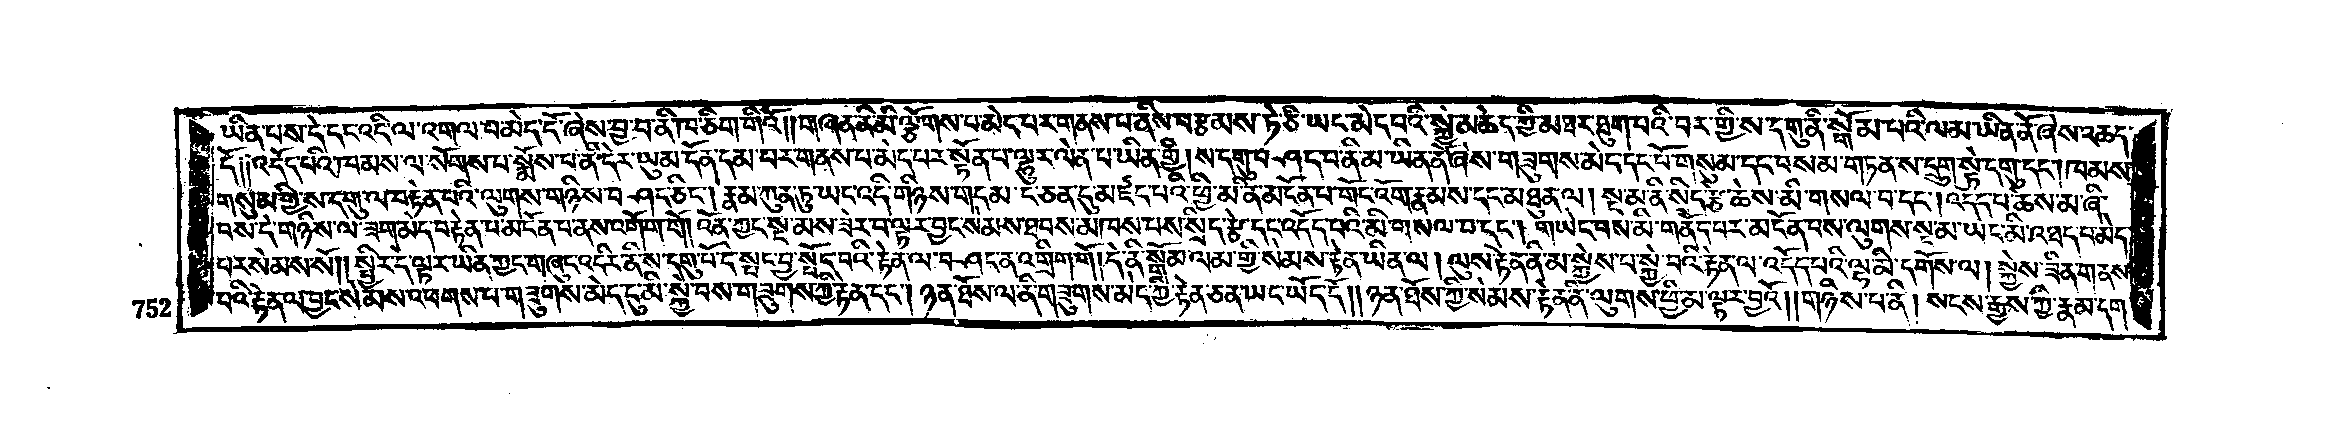ཡིན་པས་དེ་དང་འདི་ལ་འགལ་བ་མེད་དོ་ཞེས་བྱ་བ་ནི་ཁ་ཅིག་གིའོ། །གཞན་ནི་མི་ལྕོགས་པ་མེད་པར་གནས་པ་ནས་བརྩམས་ཏེ་ཅི་ཡང་མེད་པའི་སྐྱེ་མཆེད་ཀྱི་མཐར་ཐུག་པའི་བར་གྱི་ས་དགུ་ནི་སྒོམ་པའི་ལམ་ཡིན་ནོ་ཞེས་འཆད་
དོ། །འདོད་པའི་ཁམས་ལ་སོགས་པ་སྨོས་པ་ནི་དེར་ཡུམ་དོན་དམ་པར་གནས་པ་མེད་པར་སྟོན་པ་ལྷུར་ལེན་པ་ཡིན་གྱི། ས་དགུ་བཤད་པ་ནི་མ་ཡིན་ནོ་ཞེས་གཟུགས་མེད་དང་པོ་གསུམ་དང་བསམ་གཏན་ས་དྲུག་སྟེ་དགུ་དང་། ཁམས་
གསུམ་གྱི་ས་དགུ་ལ་བརྟེན་པའི་ལུགས་གཉིས་བཤད་ཅིང་། རྣམ་ཀུན་ཏུ་ཡང་འདི་གཉིས་གདམ་ང་ཅན་དུ་མཛད་པའི་ཕྱིར་མ་ནི་མངོན་པ་གོང་འོག་རྣམས་དང་མཐུན་ལ། སྔ་མ་ནི་སྲིད་རྩེ་ཆེས་མི་གསལ་བ་དང་། འདོད་པ་ཆས་མ་ཞི་
བས་དེ་གཉིས་ལ་ཟག་མེད་བརྟེན་པ་མངོན་པ་ནས་འགོག་གོ །འོན་ཀྱང་སྔ་མས་ཟེར་བ་ལྟར་བྱང་སེམས་ཐབས་མཁས་པས་སྲིད་རྩེ་དང་འདོད་པའི་མི་གསལ་བ་དང་། གཡེང་བས་མི་གནོད་པར་མངོན་པས་ལུགས་སྔ་མ་ཡང་མི་འཐད་པ་མེད་
པར་སེམས་སོ། །སྤྱིར་དེ་ལྟར་ཡིན་ཀྱང་གཞུང་འདིར་ནི་ས་དགུ་པོ་དེ་སྤང་བྱ་སྤོང་བའི་རྟེན་ལ་བཤད་ན་འགྲིག་གོ །དེ་ནི་སྒོམ་ལམ་གྱི་སེམས་རྟེན་ཡིན་ལ། ལུས་རྟེན་ནི་མ་སྐྱེས་པ་སྐྱེ་བའི་རྟེན་ལ་འདོད་པའི་ལྷ་མི་དགོས་ལ། སྐྱེས་ཟིན་གནས་
པའི་རྟེན་ལ་བྱང་སེམས་འཕགས་པ་གཟུགས་མེད་དུ་མི་སྐྱེ་བས་གཟུགས་ཀྱི་རྟེན་དང་། ཉན་ཐོས་ལ་ནི་གཟུགས་མེད་ཀྱི་རྟེན་ཅན་ཡང་ཡོད་དོ། །ཉན་ཐོས་ཀྱི་སེམས་རྟེན་ནི་ལུགས་ཕྱི་མ་ལྟར་བྱའོ། །གཉིས་པ་ནི། སངས་རྒྱས་ཀྱི་རྣམ་དག་